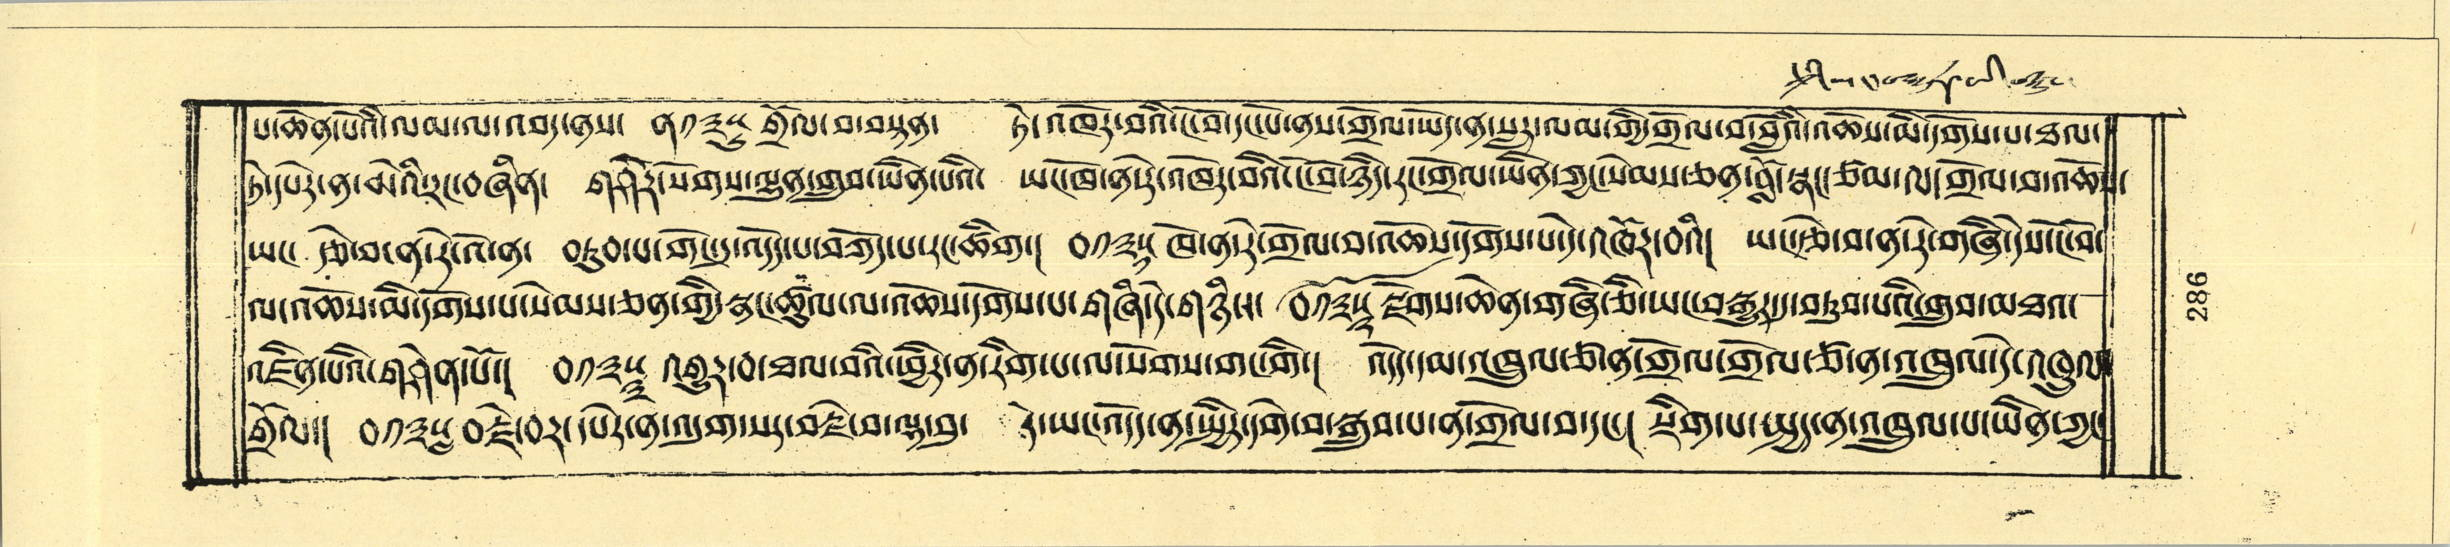པ་ཆེན་པོའི་ལམ་ལ་འབད་ནས་ ན༡༣༥།༦ ༼གྲོལ་༽བ་བསྟན། ཏེ་འཁོར་བའི་ངོ་བོ་དང་པོ་ནས་གྲོལ་ཡོད་ན་སླར་ལམ་གྱི་གྲོལ་བ་བློའི་འཆོས་མི་དགོས་པ་ཐལ་
ཏེ་དཔེར་ན་མེའི་རང་བཞིན་ གཤེར་སོགས་ལྷུན་གྲུབ་ཡིན་པའི། ཡང་ཁོ་ན་རེ་འཁོར་བའི་ངོ་བོ་ཉིད་རང་གྲོལ་ཡིན་ཀྱང་སེམས་ཅན་བློ་སྣང་ཙམ་ལ་གྲོལ་བ་འཆོས་
ཡང་ རྩེ་བ་ན་རེ་འོ་ན། བཏུབ་པ་གོང་དུ་འདོད་པ་བཀོད་པ་རང་ཚིག བ༡༣༥།༡ ཁོ་ན་རེ་གྲོལ་བ་འཆོས་དགོས་པ་དེ་འཁོར་བའི་ ཡང་རྩེ་བ་ན་རེ་གཞི་དེས་ངོ་བོ་
ལ་འཆོས་མི་དགོས་པ་སེམས་ཅན་གྱི་སྣང་ཚུལ་ལ་འཆོས་དགོས་པ་གཞི་དེ་གཉིས་ཅི་ཡང་བསྒྱུར་མི་བསྒྱུར་ བ༡༣༥།༢ སྫོགས་ཆེན་གཞི་ཅི་ཡང་བསྒྱུར་དུ་བཏུབ་པའི་གྲུབ་མཐའ་
འཛིན་པའི་གཤེན་པོ་ བ༡༣༥།༣ འགྱུར་བ་ཐལ་བའི་ཕྱིར་ན་རིག་པ་ལ་སོགས་གང་གི། འདོད་དམ་འཁྲུལ་ཙ་ན་གྲོལ་གྲོལ་ཙ་ན་འཁྲུལ་དེ་འཁྲུལ་
གྲོལ་ བ༡༣༥།༤ ༼བརྗེ་བར་༽དཔེར་ན་འདུག་སར་བརྗེ་བ་ལྟ་བུ་དེ་ཡང་འདོད་ན་སྤྱིར་དགེ་བ་སྒྲུབ་པ་ན་གྲོལ་བ་དང། སྡིག་པ་སྤྱད་ན་འཁྲུལ་པ་ཡིན་ཀྱང་